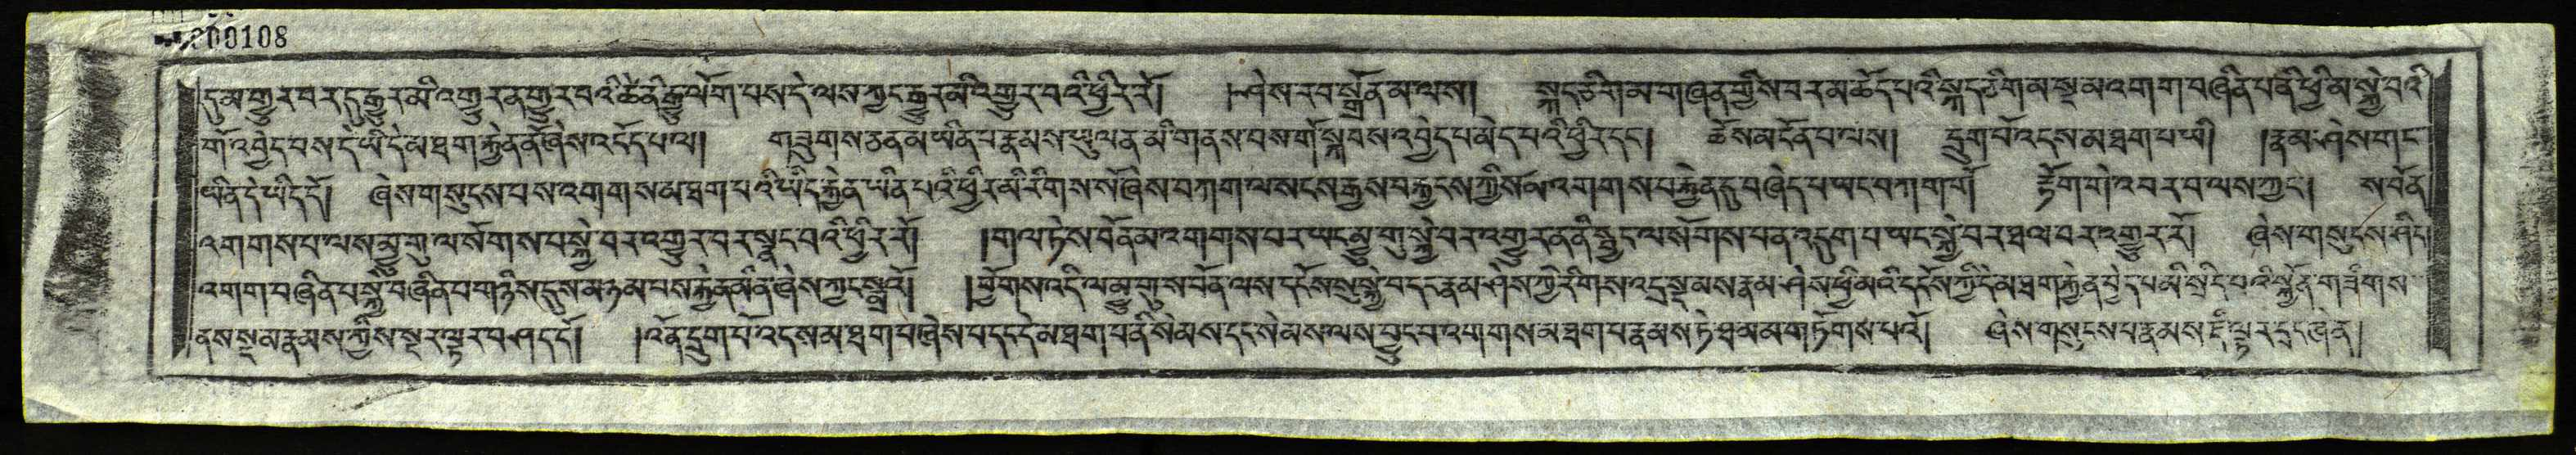དུ་མ་གྱུར་བར་དུ་རྒྱུར་མི་འགྱུར་ན་གྱུར་བའི་ཚེ་ནི་རྒྱུ་ལོག་པས་དེ་ལས་ཀྱང་རྒྱུར་མི་འགྱུར་བའི་ཕྱིར་རོ། །ཤེས་རབ་སྒྲོན་མ་ལས། སྐད་ཅིག་མ་གཞན་གྱིས་བར་མཆོད་པའི་སྐད་ཅིག་མ་སྔ་མ་འགག་བཞིན་པ་ནི་ཕྱི་མ་སྐྱེ་བའི་
གོ་འབྱེད་པས་དེ་ཡི་དེ་མ་ཐག་རྐྱེན་ནོ་ཞེས་འདོད་པ་ལ། གཟུགས་ཅན་མ་ཡིན་པ་རྣམས་ཡུལ་ན་མི་གནས་པས་གོ་སྐབས་འབྱེད་པ་མེད་པའི་ཕྱིར་དང་། ཆོས་མངོན་པ་ལས། དྲུག་པོ་འདས་མ་ཐག་པ་ཡི། །རྣམ་ཤེས་གང་
ཡིན་དེ་ཡིད་དོ། ཞེས་གསུངས་པས་འགགས་མ་ཐག་པའི་ཡིད་རྐྱེན་ཡིན་པའི་ཕྱིར་མི་རིགས་སོ་ཞེས་བཀག་ལ་སངས་རྒྱས་བརྐྱངས་ཀྱིས་མ་འགགས་པ་རྐྱེན་དུ་བཞེད་པ་ཡང་བཀང་གོ་རྟོག་གེ་འབར་བ་ལས་ཀྱང་། ས་བོན་
འགགས་པ་ལས་མྱུ་གུ་ལ་སོགས་པ་སྐྱེ་བར་འགྱུར་བར་སྣང་བའི་ཕྱིར་རོ། །གལ་ཏེ་ས་བོན་མ་འགགས་པར་ཡང་མྱུ་གུ་སྐྱེ་བར་འགྱུར་ན་ནི་སྦྱང་ལ་སོགས་པ་ན་འདུག་པ་ཡང་སྐྱེ་བར་ཐལ་བར་འགྱུར་རོ། ཞེས་གསུངས་ཤིང་།
འགག་བཞིན་པ་སྐྱེ་བཞིན་པ་གཉིས་དུས་མཉམ་པས་རྐྱེན་མིན་ཞེས་ཀྱང་སྨྲའོ། །ཕྱོགས་འདི་ལ་མྱུ་གུ་ས་བོན་ལས་དངོས་སུ་སྐྱེ་བ་དང་རྣམ་ཤེས་ཀྱི་རིགས་འདྲ་སྔ་མས་རྣམ་ཤེས་ཕྱི་མའི་དངོས་ཀྱི་དེ་མ་ཐག་རྐྱེན་བྱེད་པ་མི་སྲིད་པའི་སྐྱོན་གཟིགས་
ནས་སྔ་མ་རྣམས་ཀྱིས་སྔར་ལྟར་བཤད་དོ། །འོ་ན་དྲུག་པོ་འདས་མ་ཐག་པ་ཞེས་པ་དང་དེ་མ་ཐག་པ་ནི་སེམས་དང་སེམས་ལས་བྱུང་བ་འགགས་མ་ཐག་པ་རྣམས་ཏེ་ཐ་མ་མ་གཏོགས་པའོ། ཞེས་གསུངས་པ་རྣམས་ཇི་ལྟར་དྲང་ཞེ་ན།